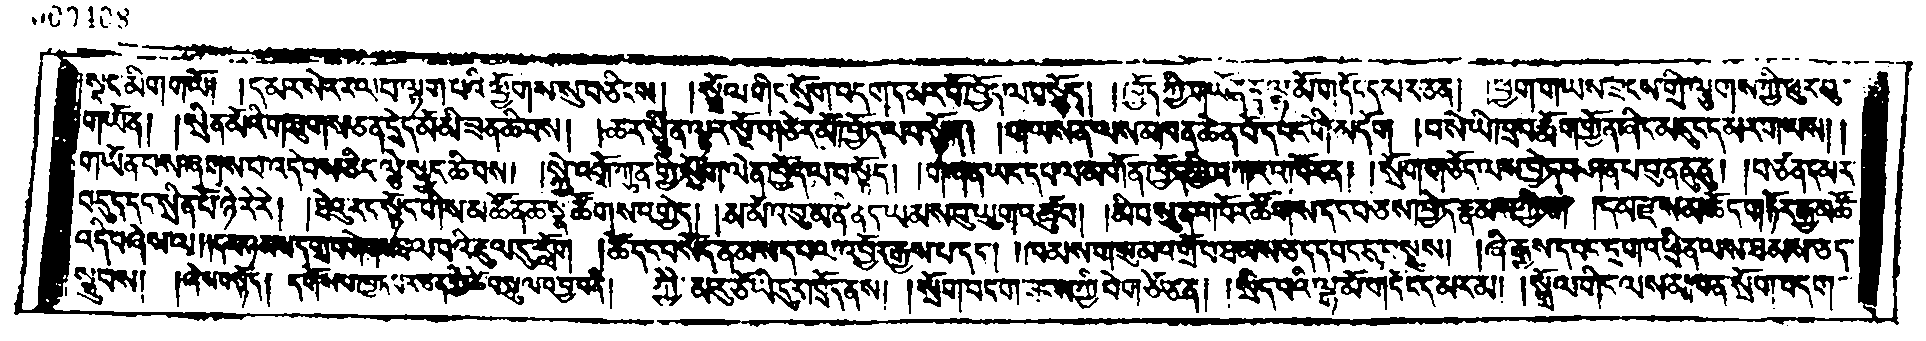སྡང་མིག་གཡོ། །དམར་སེར་རལ་བ་ལྟག་པའི་ཕྱོགས་སུ་བཅིངས། །སྒྲོལ་གིང་སྲོག་བདག་དམར་པོ་ཁྱོད་ལ་བསྟོད། །ཁྱོད་ཀྱི་གཡོན་ན་ལྷ་མོ་གདོང་དམར་ཅན། །ཕྱག་གཡས་ཟངས་གྲི་ལྕགས་ཀྱི་ཕུར་བུ་
གཡོན། །སྲིན་མོའི་གཟུགས་ཅན་དྲེད་མོ་མི་ཟན་ཆི་བས། །ཆར་སྤྲིན་ལྟར་སྔོ་གཅེར་མོ་ཁྱོད་ལ་བསྟོད། །གཡས་ན་ལས་མཁན་ཆེན་པོ་དབང་གི་མདོག །བསེ་ཡི་ཁྲབ་རྨོག་གྱོན་ཞིང་མདུང་དམར་གཡས། །
གཡོན་པས་ཞགས་པ་འདེབས་ཅིང་ལྕེ་སྦྱང་ཆིབ། །སྐྱེ་འགྲོ་ཀུན་གྱི་སྲོག་ལེན་ཁྱོད་ལ་བསྟོད། །གཞན་ཡང་དཔལ་མགོན་ཁྱོད་ཀྱི་བཀའ་འཁོར་ན། །སྲོག་གཅོད་ལས་བྱེད་བཤན་པ་བུན་ནུ་ནུ། །བཙན་དམར་
བདུད་དང་སྲིན་པོ་ཉེ་རེ་རེ། །ཐེའུ་རང་སྟོང་གིས་མཚོན་ཆ་སྣ་ཚོགས་འགྱེད། །མ་མོ་འབུམ་ནི་ནད་ཡམས་བུ་ཡུག་འཚུབ། །མི་བསྲུན་འཁོར་ཚོགས་དང་བཅས་ཁྱེད་རྣམས་ཀྱིས། །དམ་རྫས་མཆོད་གཏོར་རྒྱ་མཚོ་
འདི་བཞེས་ལ། །དམ་ཉམས་དགྲ་བགེགས་ཐལ་བའི་རྡུལ་དུ་རློག །ཚེ་དང་བསོད་ནམས་དཔལ་འབྱོར་རྒྱས་པ་དང་། །ཁམས་གསུམ་འགྲོ་བ་ཐམས་ཅད་དབང་དུ་བསྡུས། །ཞི་རྒྱས་དབང་དྲག་འཕྲིན་ལས་ཐམས་ཅད་
སྒྲུབས། ། ཞེས་བསྟོད། དགོས་པ་ཁྱད་པར་ཅན་གྱི་ཚེ་བསྐུལ་བ་བྱ་བ་ནི།  ཀྱཻ་མ་རུ་ཙེ་ཡི་དུར་ཁྲོད་ནས། །སྲོག་བདག་ཟངས་ཀྱི་བེག་ཙེ་ཅན། །སྲིད་པའི་ལྷ་མོ་གདོང་དམར་མ། །སྒྲོལ་གིང་ལས་མཁན་སྲོག་བདག་